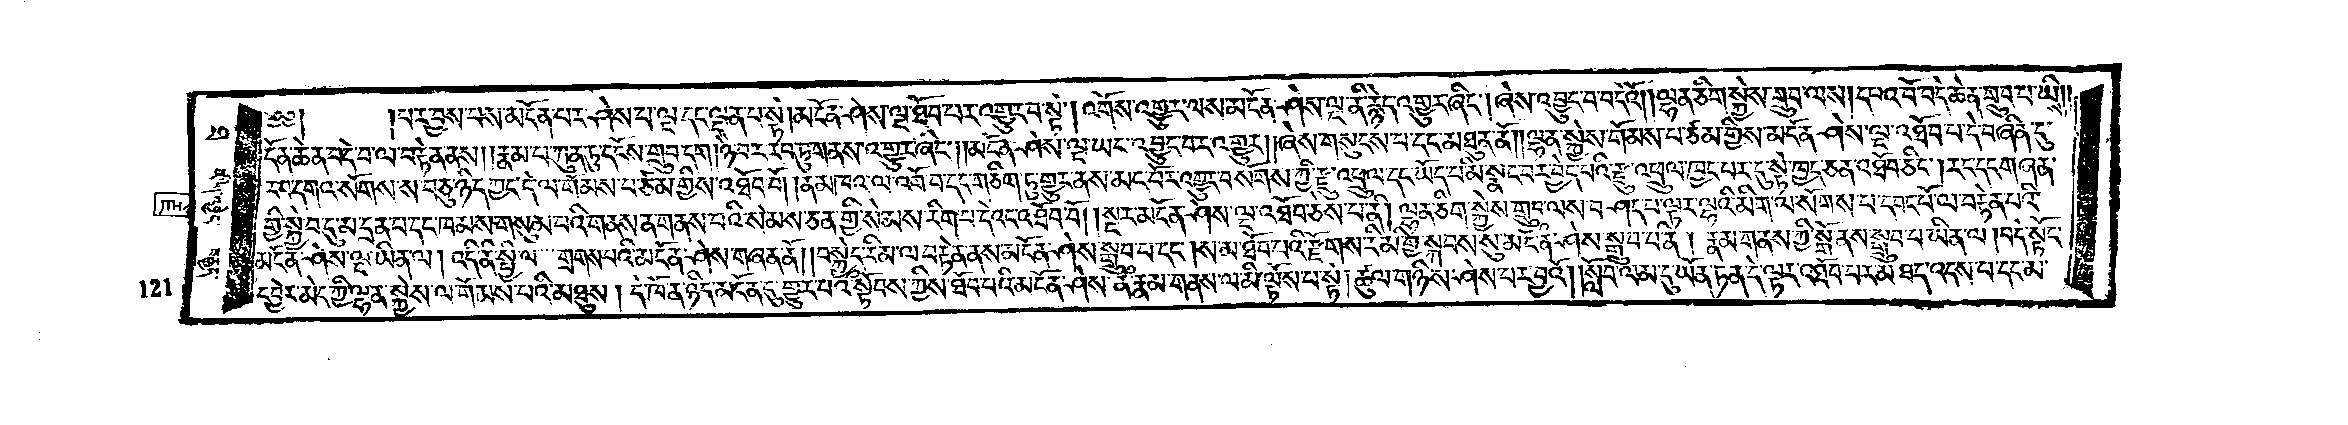༄༅། །པར་བྱས་པས་མངོན་པར་ཤེས་པ་ལྔ་དང་ལྡན་པ་སྟེ། མངོན་ཤེས་ལྔ་ཐོབ་པར་འགྱུར་བ་སྟེ། འགོས་འགྱུར་ལས་མངོན་ཤེས་ལྔ་ནི་རྙེད་འགྱུར་ཞིང་། ཞེས་འབྱུང་བ་བདེའོ། །ལྷན་ཅིག་སྐྱེས་གྲུབ་ལས། དཔའ་བོ་བདེ་ཆེན་གྲུབ་པ་ཡིས། །
དོན་ཆེན་བདེ་བ་ལ་བརྟེན་ནས། །རྣམ་པ་ཀུན་ཏུ་དངོས་གྲུབ་དག །ཉེ་བར་རབ་ཏུ་གནས་འགྱུར་ཞིང་། །མངོན་ཤེས་ལྔ་ཡང་འབྱུང་བར་འགྱུར། །ཞེས་གསུངས་པ་དང་མཐུན་ནོ། །ལྷན་སྐྱེས་གོམས་པ་ཙམ་གྱིས་མངོན་ཤེས་ལྔ་འཐོབ་པ་དེ་བཞིན་དུ་
རབ་དགའ་སོགས་ས་བཅུ་ཉིད་ཀྱང་དེ་ལ་གོམས་པ་ཙམ་གྱིས་འཐོབ་བོ། །ནམ་མཁའ་ལ་འགྲོ་བ་དང་གཅིག་ཏུ་གྱུར་ནས་མང་པོར་འགྱུར་བ་སོགས་ཀྱི་རྫུ་འཕྲུལ་དང་ཡོད་པ་མི་སྣང་བར་བྱེད་པའི་རྫུ་འཕྲུལ་ཁྱད་པར་དུ་སྟེ་ཁྱད་ཅན་འཐོབ་ཅིང་། རང་དང་གཞན་
གྱི་སྐྱེ་བ་དུ་མ་དྲན་པ་དང་ཁམས་གསུམ་པའི་གནས་ན་གནས་པའི་སེམས་ཅན་གྱི་སེམས་རིག་པ་དའང་འཐོབ་བོ། །སྔར་མངོན་ཤེས་ལྔ་འཐོབ་ཅེས་པ་ནི། ལྷན་ཅིག་སྐྱེས་གྲུབ་ལས་བཤད་པ་ལྟར་ལྷའི་མིག་ལ་སོགས་པ་དབང་པོ་ལ་བརྟེན་པའི་
མངོན་ཤེས་ལྔ་ཡིན་ལ། འདི་ནི་སྤྱི་ལ་གྲགས་པའི་མངོན་ཤེས་གཞན་ནོ། །བསྐྱེད་རིམ་ལ་བརྟེན་ནས་མངོན་ཤེས་སྒྲུབ་པ་དང་། ས་མ་ཐོབ་པའི་རྫོགས་རིམ་གྱི་སྐབས་སུ་མངོན་ཤེས་སྒྲུབ་པ་ནི། རྣམ་གནས་ཀྱི་སྒོ་ནས་སྒྲུབ་པ་ཡིན་ལ། བདེ་སྟོང་
དབྱེར་མེད་ཀྱི་ལྷན་སྐྱེས་ལ་གོམས་པའི་མཐུས། དེ་ཁོ་ན་ཉིད་མངོན་དུ་གྱུར་པའི་སྟོབས་ཀྱིས་ཐོབ་པའི་མངོན་ཤེས་ནི་རྣམ་གནས་ལ་མི་ལྟོས་པ་སྟེ། ཚུལ་གཉིས་ཤེས་པར་བྱའོ། །སློབ་ལམ་དུ་ཡོན་ཏན་དེ་ལྟར་འཐོབ་པར་མཐད་འདས་པ་དང་མ་